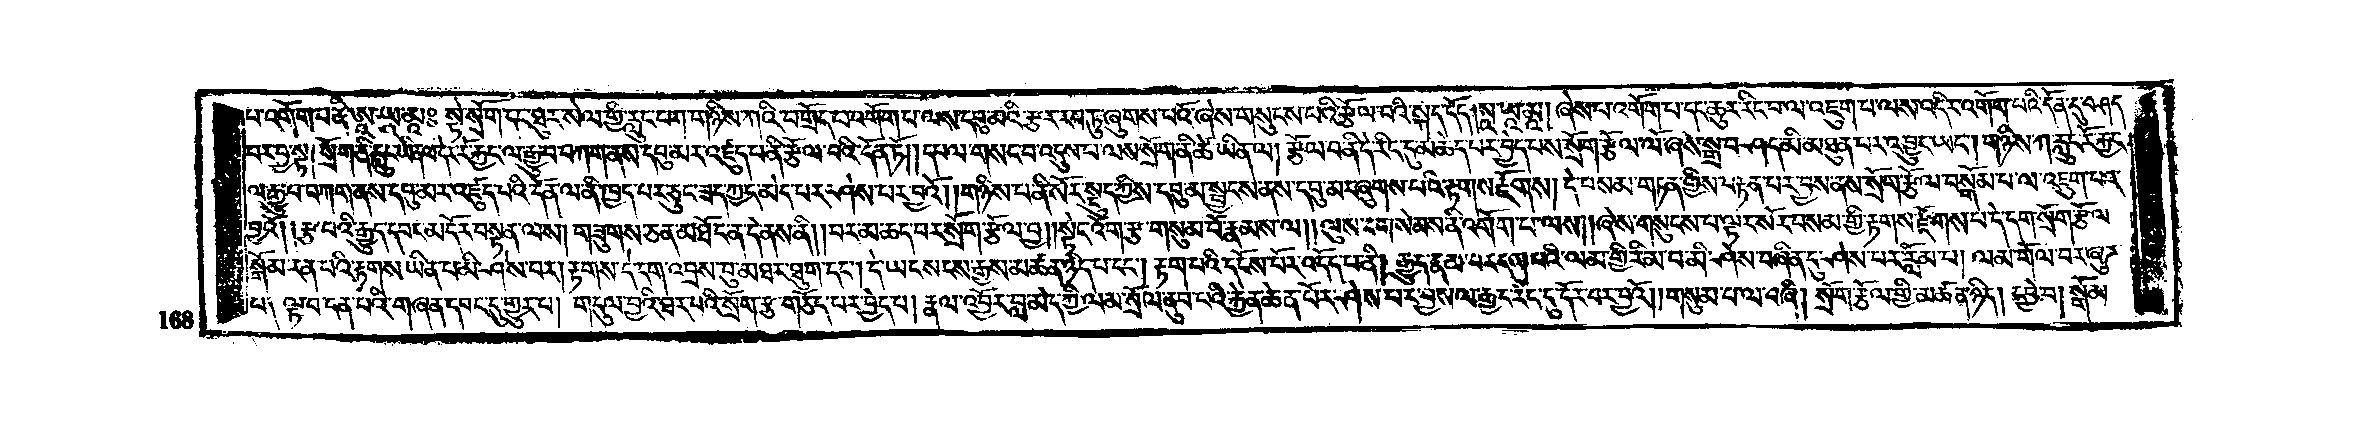པ་འགོག་པ་ནི་ཨཱ་ཡཱ་མཱཿ སྟེ་སྲོག་དང་ཐུར་སེལ་གྱི་རླུང་ངག་གཉིས་ཀའི་བགྲོད་པ་འགོག་པ་ལས་དབུ་མའི་རྩར་རབ་ཏུ་ཞུགས་པའོ་ཞེས་གསུངས་པའི་རྩོལ་བའི་སྐད་དོད། སཱ་ཡཱ་མཱ། ཞེས་པ་འགོག་པ་དང་ཆུར་རིང་བ་ལ་འཇུག་པ་ལས་འདིར་འགོག་པའི་དོན་དུ་བཤད་
པར་བྱ་སྟེ། སྲོག་ནི་རླུང་ཡིན་ལ་དེར་རོ་རྐྱང་ལ་རྒྱུ་བ་བཀག་ནས་དབུ་མར་འཛུད་པ་ནི་རྩོལ་བའི་དོན་ཏོ། །དཔལ་གསང་བ་འདུས་པ་ལས་སྲོག་ནི་ཚེ་ཡིན་ལ། རྩོལ་བ་ནི་དེ་རིང་དུ་མཆེད་པར་བྱེད་པས་སྲོག་རྩོལ་ལོ་ཞེས་སྒྲ་བཤད་མི་མཐུན་པར་འབྱུང་ཡང་། གཉིས་ཀ་རླུང་རོ་རྐྱང་
ལ་རྒྱུ་བ་བཀག་ནས་དབུ་མར་འཛུད་པའི་དོན་ལ་ནི་ཁྱད་པར་ཅུང་ཟད་ཀྱང་མེད་པར་ཤེས་པར་བྱའོ། །གཉིས་པ་ནི་སོར་སྡུད་ཀྱིས་དབུ་མ་སྦྱངས་ནས་དབུ་མར་ཞུགས་པའི་རྟགས་རྫོགས། དེ་བསམ་གཏན་གྱིས་བརྟན་པར་བྱས་ནས་སྲོག་རྩོལ་བསྒོམ་པ་ལ་འཇུག་པར་
བྱའོ། །རྩ་བའི་རྒྱུད་དབང་མདོར་བསྟན་ལས། གཟུགས་ཅན་མཐོང་ན་དེ་ནས་ནི། །བར་མ་ཆད་པར་སྲོག་རྩོལ་བྱ། །སྟེང་འོག་རྩ་གསུམ་པོ་རྣམས་ལ། །ལུས་ངག་སེམས་ནི་འགོག་པ་ལས། །ཞེས་གསུངས་པ་ལྟར་སོར་བསམ་གྱི་རྟགས་རྫོགས་པ་དེ་དག་སྲོག་རྩོལ་
སྒོམ་རན་པའི་རྟགས་ཡིན་པ་མི་ཤེས་པར། རྟགས་དེ་དག་འབྲས་བུ་མཐར་ཐུག་དང་། དེ་ཡང་སངས་རྒྱས་མཚན་ཉིད་པ་དང་། རྟག་པའི་དངོས་པོར་འདོད་པ་ནི། རྒྱུད་རྣམ་པར་དག་པའི་ལམ་གྱི་རིམ་པ་མི་ཤེས་བཞིན་དུ་ཤེས་པར་རློམ་པ། ལམ་གོལ་བར་ཞུགས་
པ། ལྟ་བ་ངན་པའི་གཞན་དབང་དུ་གྱུར་པ། གདུལ་བྱའི་ཐར་པའི་སྲོག་རྩ་གཅོད་པར་བྱེད་པ། རྣལ་འབྱོར་བླ་མེད་ཀྱི་ལམ་སྲོལ་ནུབ་པའི་རྐྱེན་ཆེན་པོར་ཤེས་པར་བྱས་ལ་རྒྱང་རིང་དུ་དོར་བར་བྱའོ། །གསུམ་པ་ལ་བཞི། སྲོག་རྩོལ་གྱི་མཚན་ཉིད། དབྱེ་བ། སྒོམ་